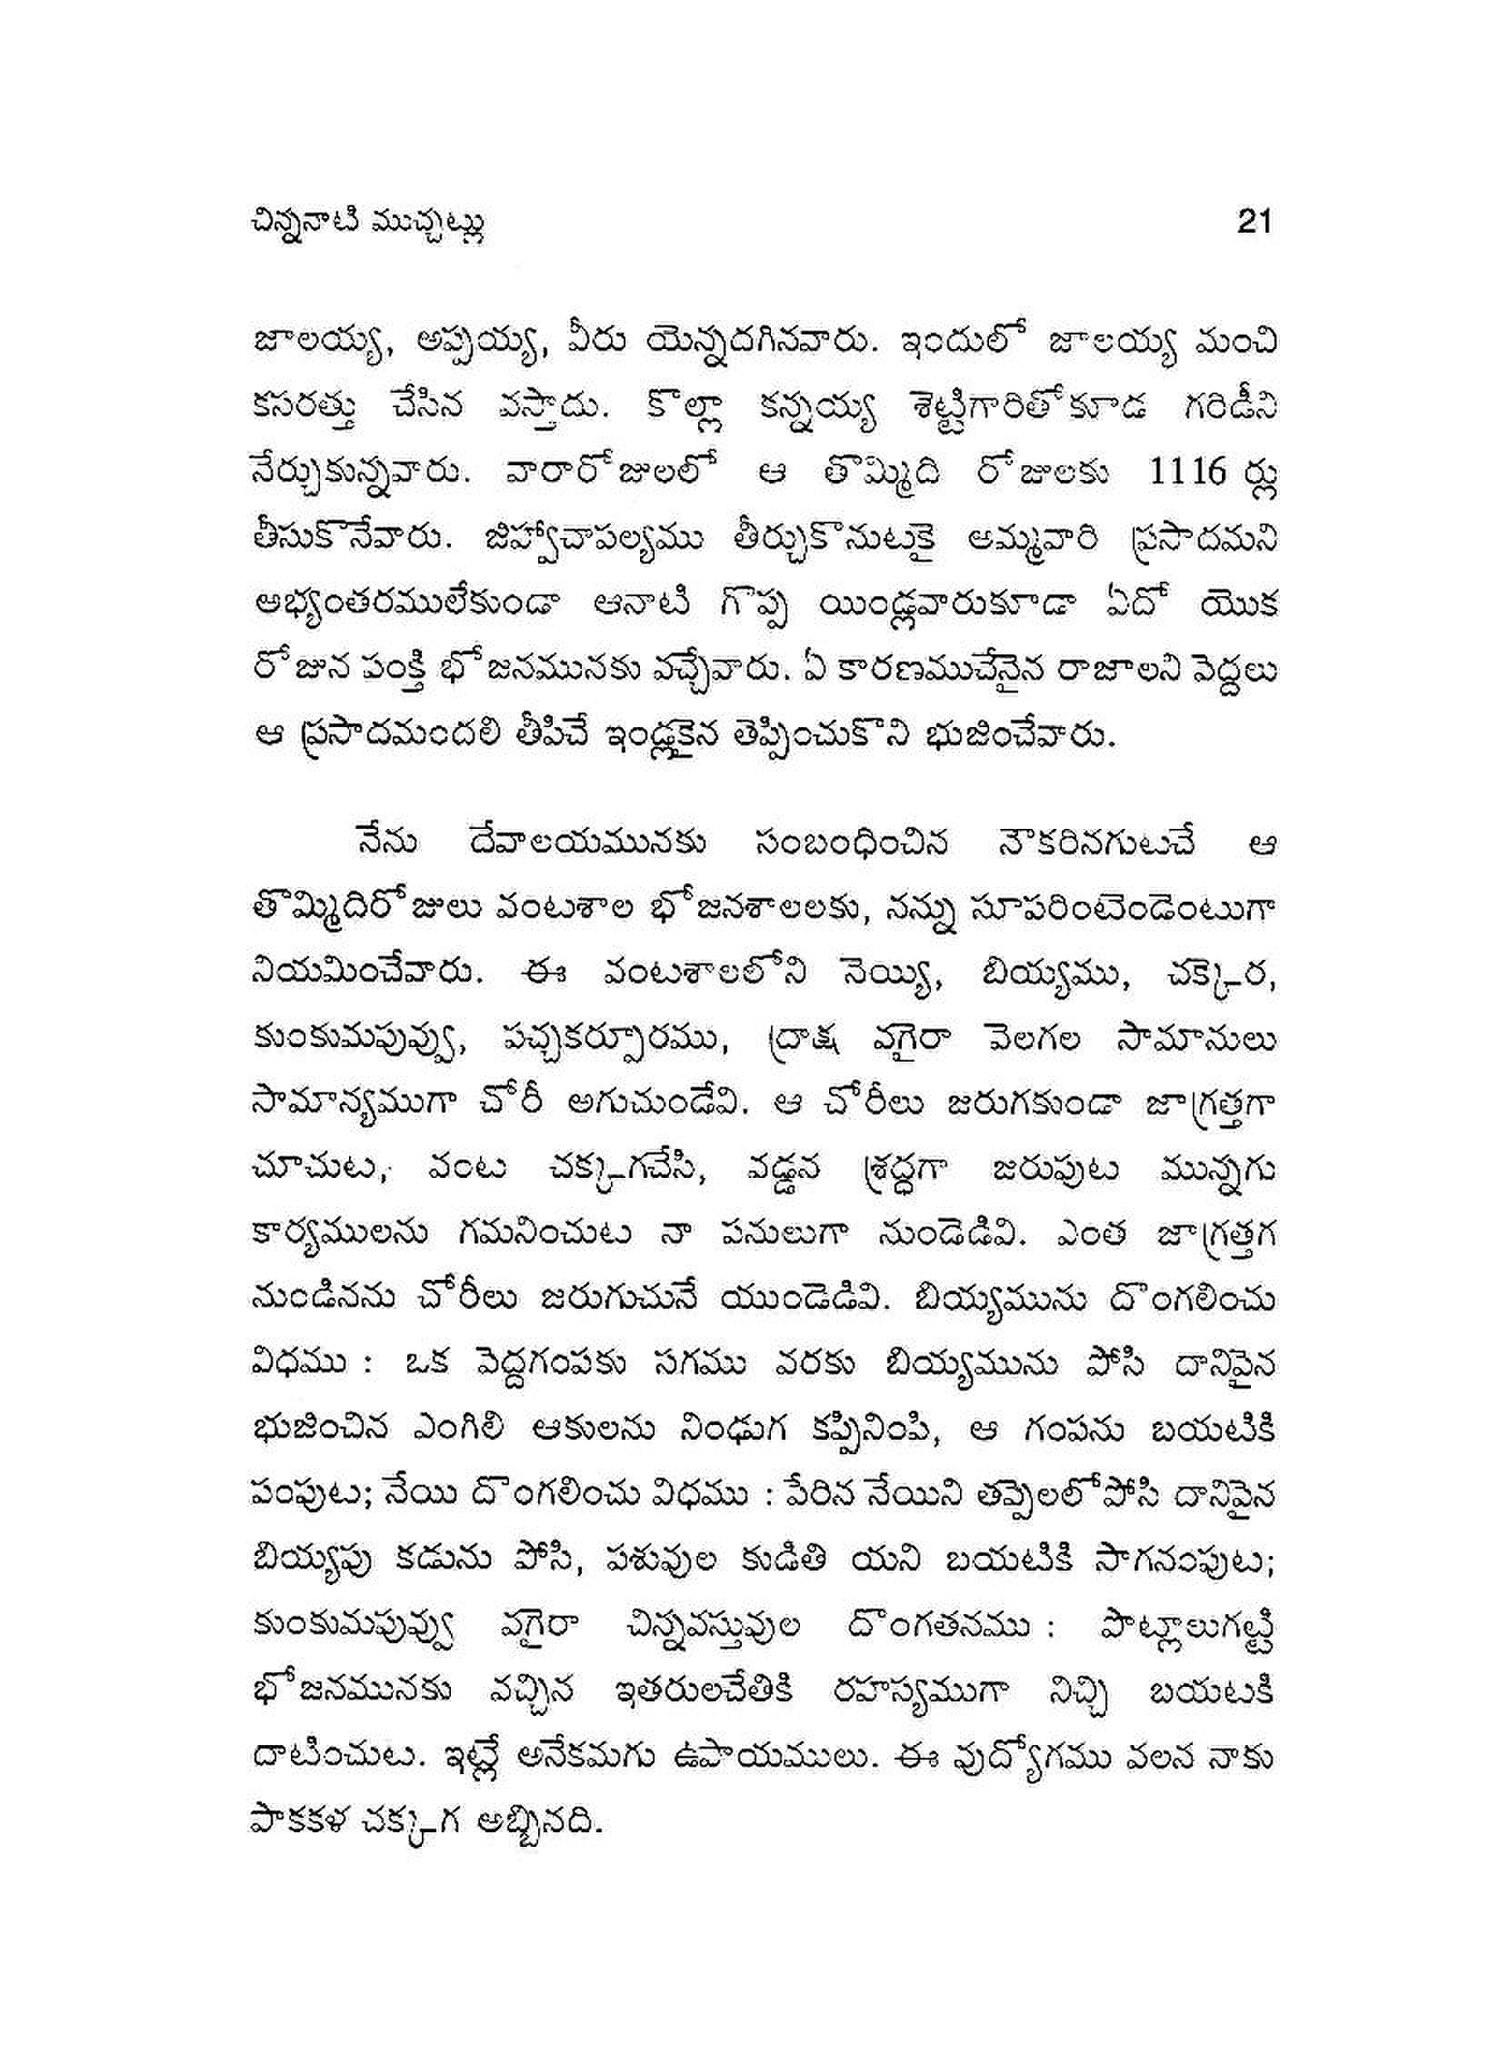జాలయ్య, అప్పయ్య, వీరు యెన్నదగినవారు. ఇందులో జాలయ్య మంచి కసరత్తు చేసిన వస్తాదు. కొల్లా కన్నయ్య శెట్టిగారితో కూడ గరిడీని నేర్చుకున్నవారు. వారారోజులలో ఆ తొమ్మిది రోజులకు 1116 ర్లు తీసుకొనేవారు. జిహ్వాచాపల్యము తీర్చుకొనుటకై అమ్మవారి ప్రసాదమని అభ్యంతరములేకుండా ఆనాటి గొప్ప యిండ్లవారుకూడా ఏదో యొక రోజున పంక్తి భోజనమునకు వచ్చేవారు. ఏ కారణముచేనైన రాజాలని పెద్దలు ఆ ప్రసాదమందలి తీపిచే ఇండ్లకైన తెప్పించుకొని భుజించేవారు.

నేను దేవాలయమునకు సంబంధించిన నౌకరినగుటచే ఆ తొమ్మిదిరోజులు వంటశాల భోజనశాలలకు, నన్ను సూపరింటెండెంటుగా నియమించేవారు. ఈ వంటశాలలోని నెయ్యి, బియ్యము, చక్కెర, కుంకుమపువ్వు, పచ్చకర్పూరము, ద్రాక్ష వగైరా వెలగల సామానులు సామాన్యముగా చోరీ అగుచుండేవి. ఆ చోరీలు జరుగకుండా జాగ్రత్తగా చూచుట, వంట చక్కగచేసి, వడ్డన శ్రద్ధగా జరుపుట మున్నగు కార్యములను గమనించుట నా పనులుగా నుండెడివి. ఎంత జాగ్రత్తగ నుండినను చోరీలు జరుగుచునే యుండెడివి. బియ్యమును దొంగలించు విధము : ఒక పెద్దగంపకు సగము వరకు బియ్యమును పోసి దానిపైన భుజించిన ఎంగిలి ఆకులను నిండుగ కప్పినింపి, ఆ గంపను బయటికి పంపుట; నేయి దొంగలించు విధము : పేరిన నేయిని తప్పెలలోపోసి దానిపైన బియ్యపు కడును పోసి, పశువుల కుడితి యని బయటికి సాగనంపుట; కుంకుమపువ్వు వగైరా చిన్నవస్తువుల దొంగతనము : పొట్లాలుగట్టి భోజనమునకు వచ్చిన ఇతరులచేతికి రహస్యముగా నిచ్చి బయటకి దాటించుట. ఇట్లే అనేకమగు ఉపాయములు. ఈ వుద్యోగము వలన నాకు పాకకళ చక్కగ అబ్బినది.